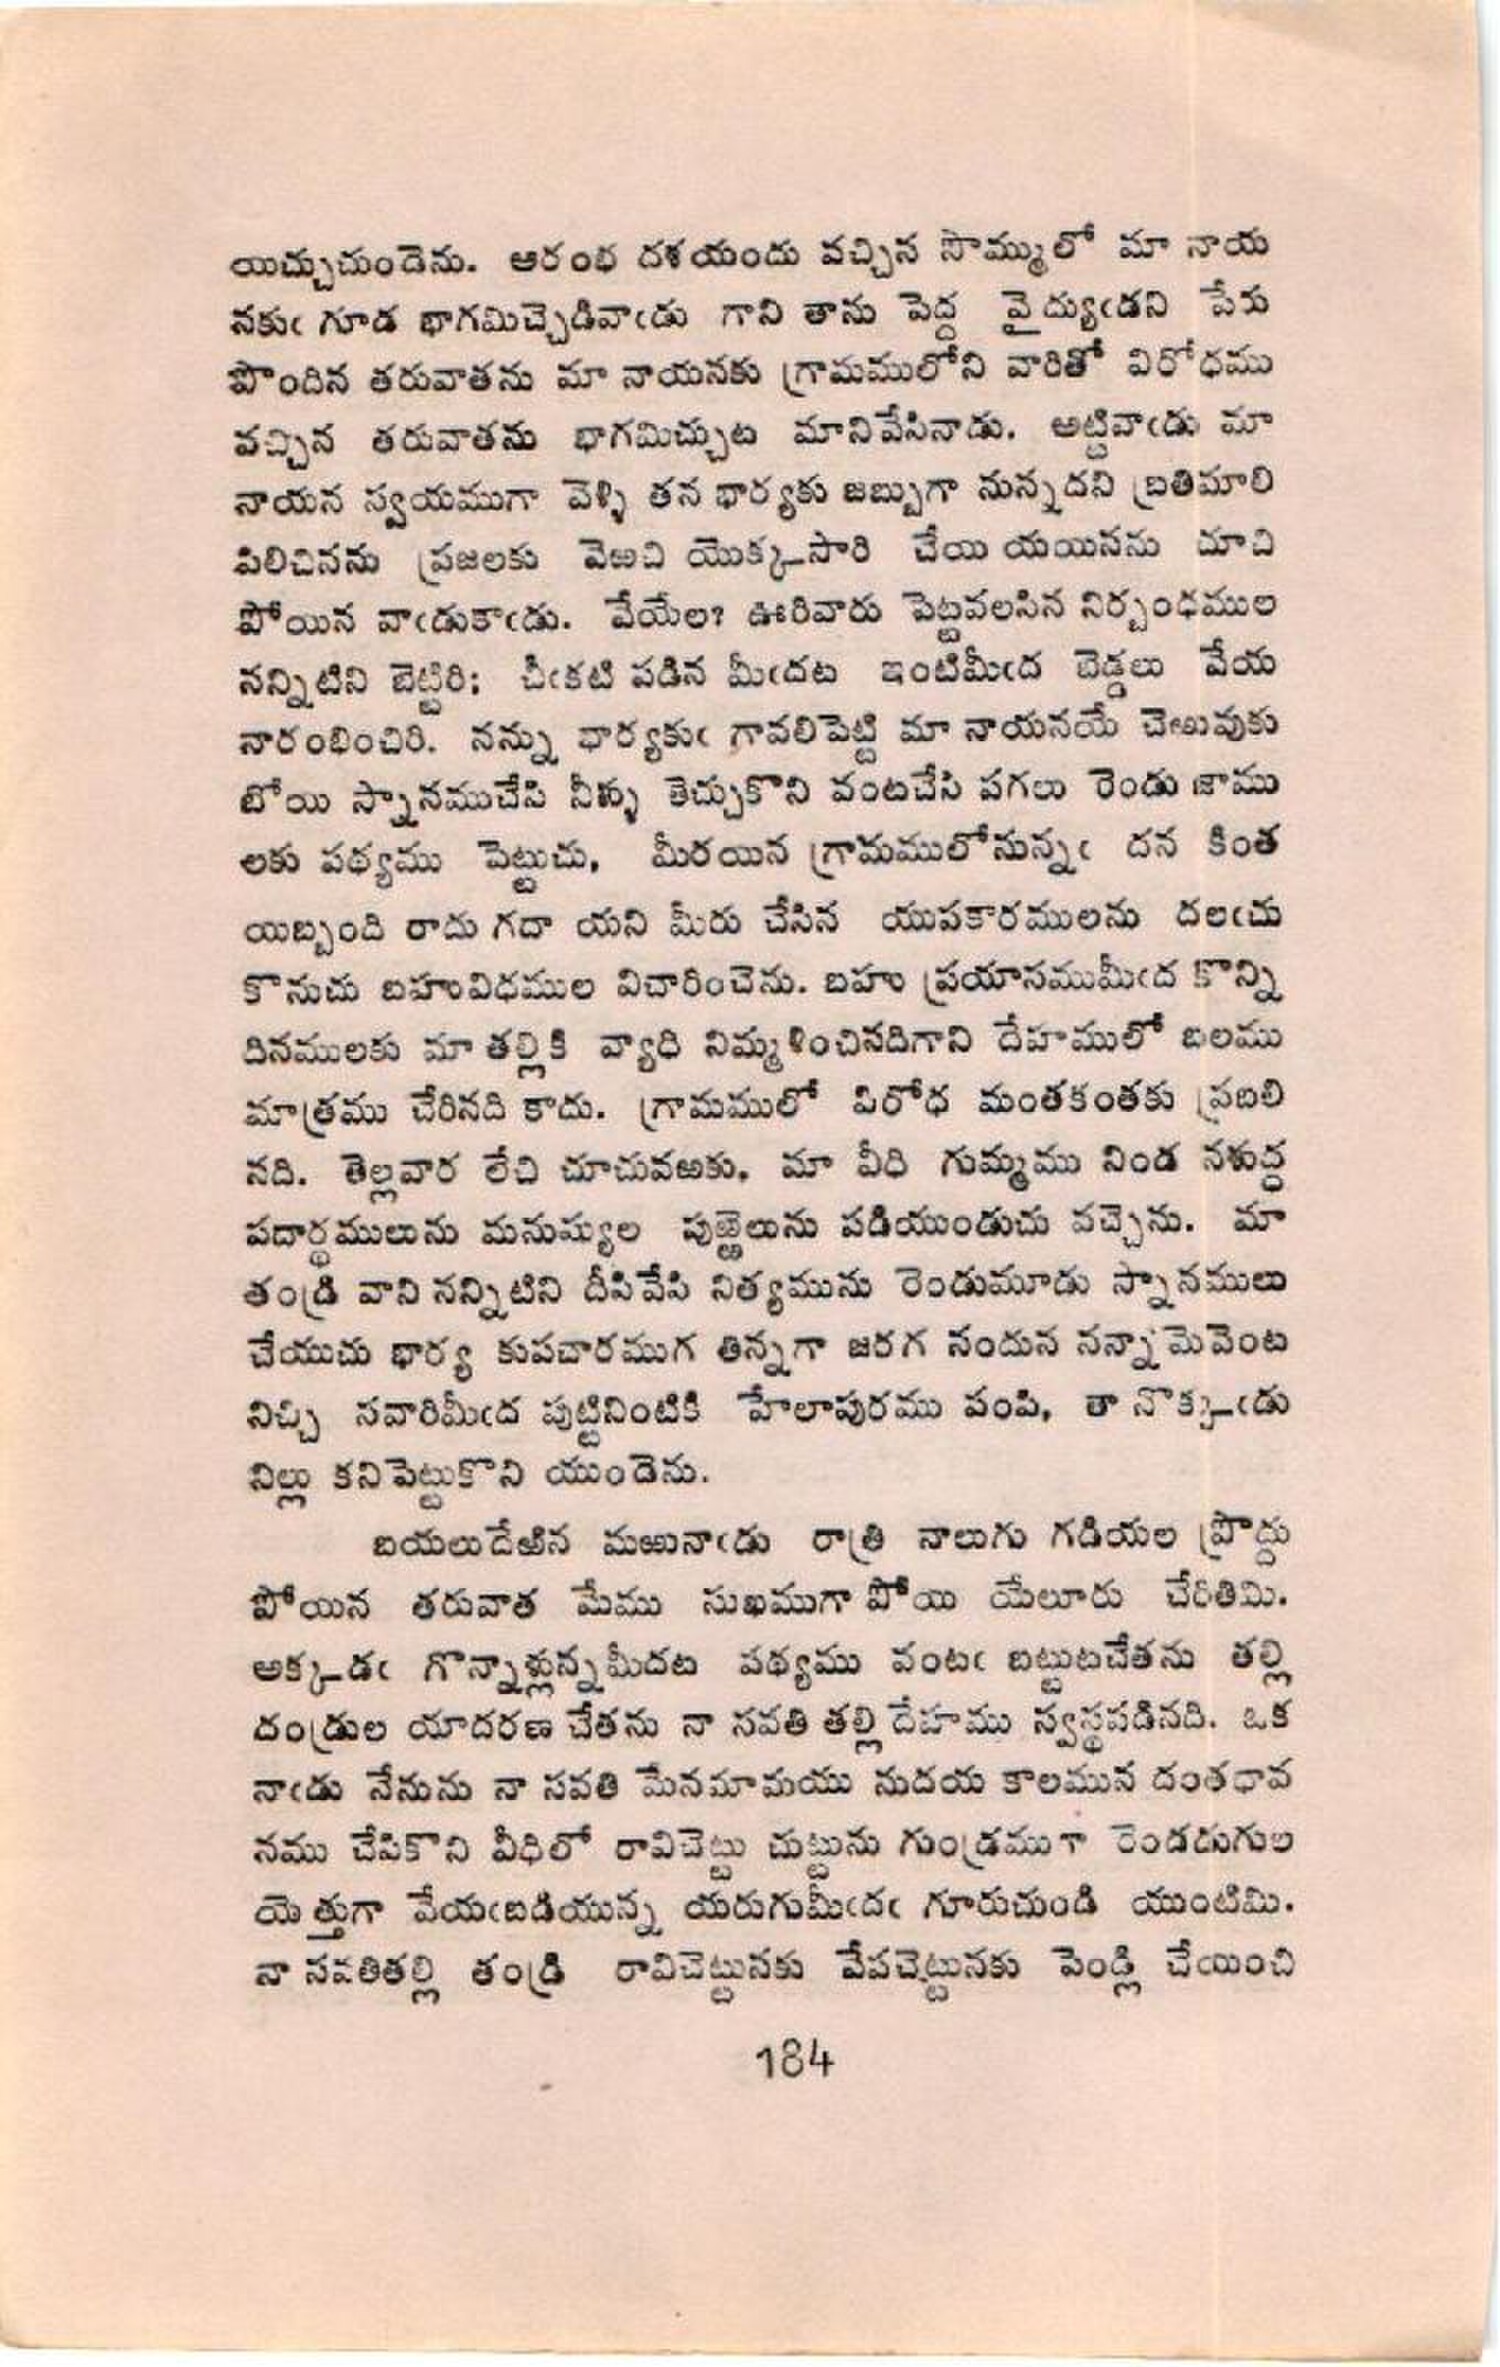యిచ్చుచుండెను. ఆరంభ దశయందు వచ్చిన సొమ్ములో మా నాయనకుఁ గూడ భాగమిచ్చెడివాఁడు గాని తాను పెద్ద వైద్యుఁడని పేరు పొందిన తరువాతను మా నాయనకు గ్రామములోని వారితో విరోధము వచ్చిన తరువాతను భాగమిచ్చుట మానివేసినాడు. అట్టివాఁడు మా నాయన స్వయముగా వెళ్ళి తన భార్యకు జబ్బుగా నున్నదని బ్రతిమాలి పిలిచినను ప్రజలకు వెఱచి యొక్కసారి చేయి యయినను చూచి పోయిన వాఁడుకాఁడు. వేయేల? ఊరివారు పెట్టవలసిన నిర్బంధముల నన్నిటిని బెట్టిరి: చీఁకటి పడిన మీఁదట ఇంటిమీఁద బెడ్డలు వేయ నారంభించిరి. నన్ను భార్యకుఁ గావలిపెట్టి మా నాయనయే చెఱువుకు బోయి స్నానముచేసి నీళ్ళు తెచ్చుకొని వంటచేసి పగలు రెండు జాములకు పథ్యము పెట్టుచు, మీరయిన గ్రామములోనున్నఁ దన కింత యిబ్బంది రాదు గదా యని మీరు చేసిన యుపకారములను దలఁచు కొనుచు బహువిధముల విచారించెను. బహు ప్రయాసముమీఁద కొన్ని దినములకు మా తల్లికి వ్యాధి నిమ్మళించినదిగాని దేహములో బలము మాత్రము చేరినది కాదు. గ్రామములో విరోధ మంతకంతకు ప్రబలి నది. తెల్లవార లేచి చూచువఱకు, మా వీధి గుమ్మము నిండ నశుద్ధ పదార్ధములను మనుష్యుల పుఱ్ఱెలను పడియుండుచు వచ్చెను. మా తండ్రి వాని నన్నిటిని దీసివేసి నిత్యమును రెండుమూడు స్నానములు చేయుచు భార్య కుపచారముగ తిన్నగా జరగ నందున నన్నామెవెంట నిచ్చి సవారిమీఁద పుట్టినింటికి హేలాపురము పంపి, తానొక్కఁడు నిల్లు కనిపెట్టుకొని యుండెను.

బయలుదేఱిన మఱునాఁడు రాత్రి నాలుగు గడియల ప్రొద్దు పోయిన తరువాత మేము సుఖముగా పోయి యేలూరు చేరితిమి. అక్కడఁ గొన్నాళ్లన్నమీదట పథ్యము వంటఁ బట్టుటచేతను తల్లి దండ్రుల యాదరణ చేతను నా సవతి తల్లి దేహము స్వస్థపడినది. ఒక నాఁడు నేనును నా సవతి మేనమామయు నుదయ కాలమున దంతధావ నము చేసికొని వీధిలో రావిచెట్టు చుట్టును గుండ్రముగా రెండడుగుల యెత్తుగా వేయఁబడియున్న యరుగుమీఁదఁ గూరుచుండి యుంటిమి. నా సవతితల్లి తండ్రి రావిచెట్టునకు వేపచెట్టునకు పెండ్లి చేయించి